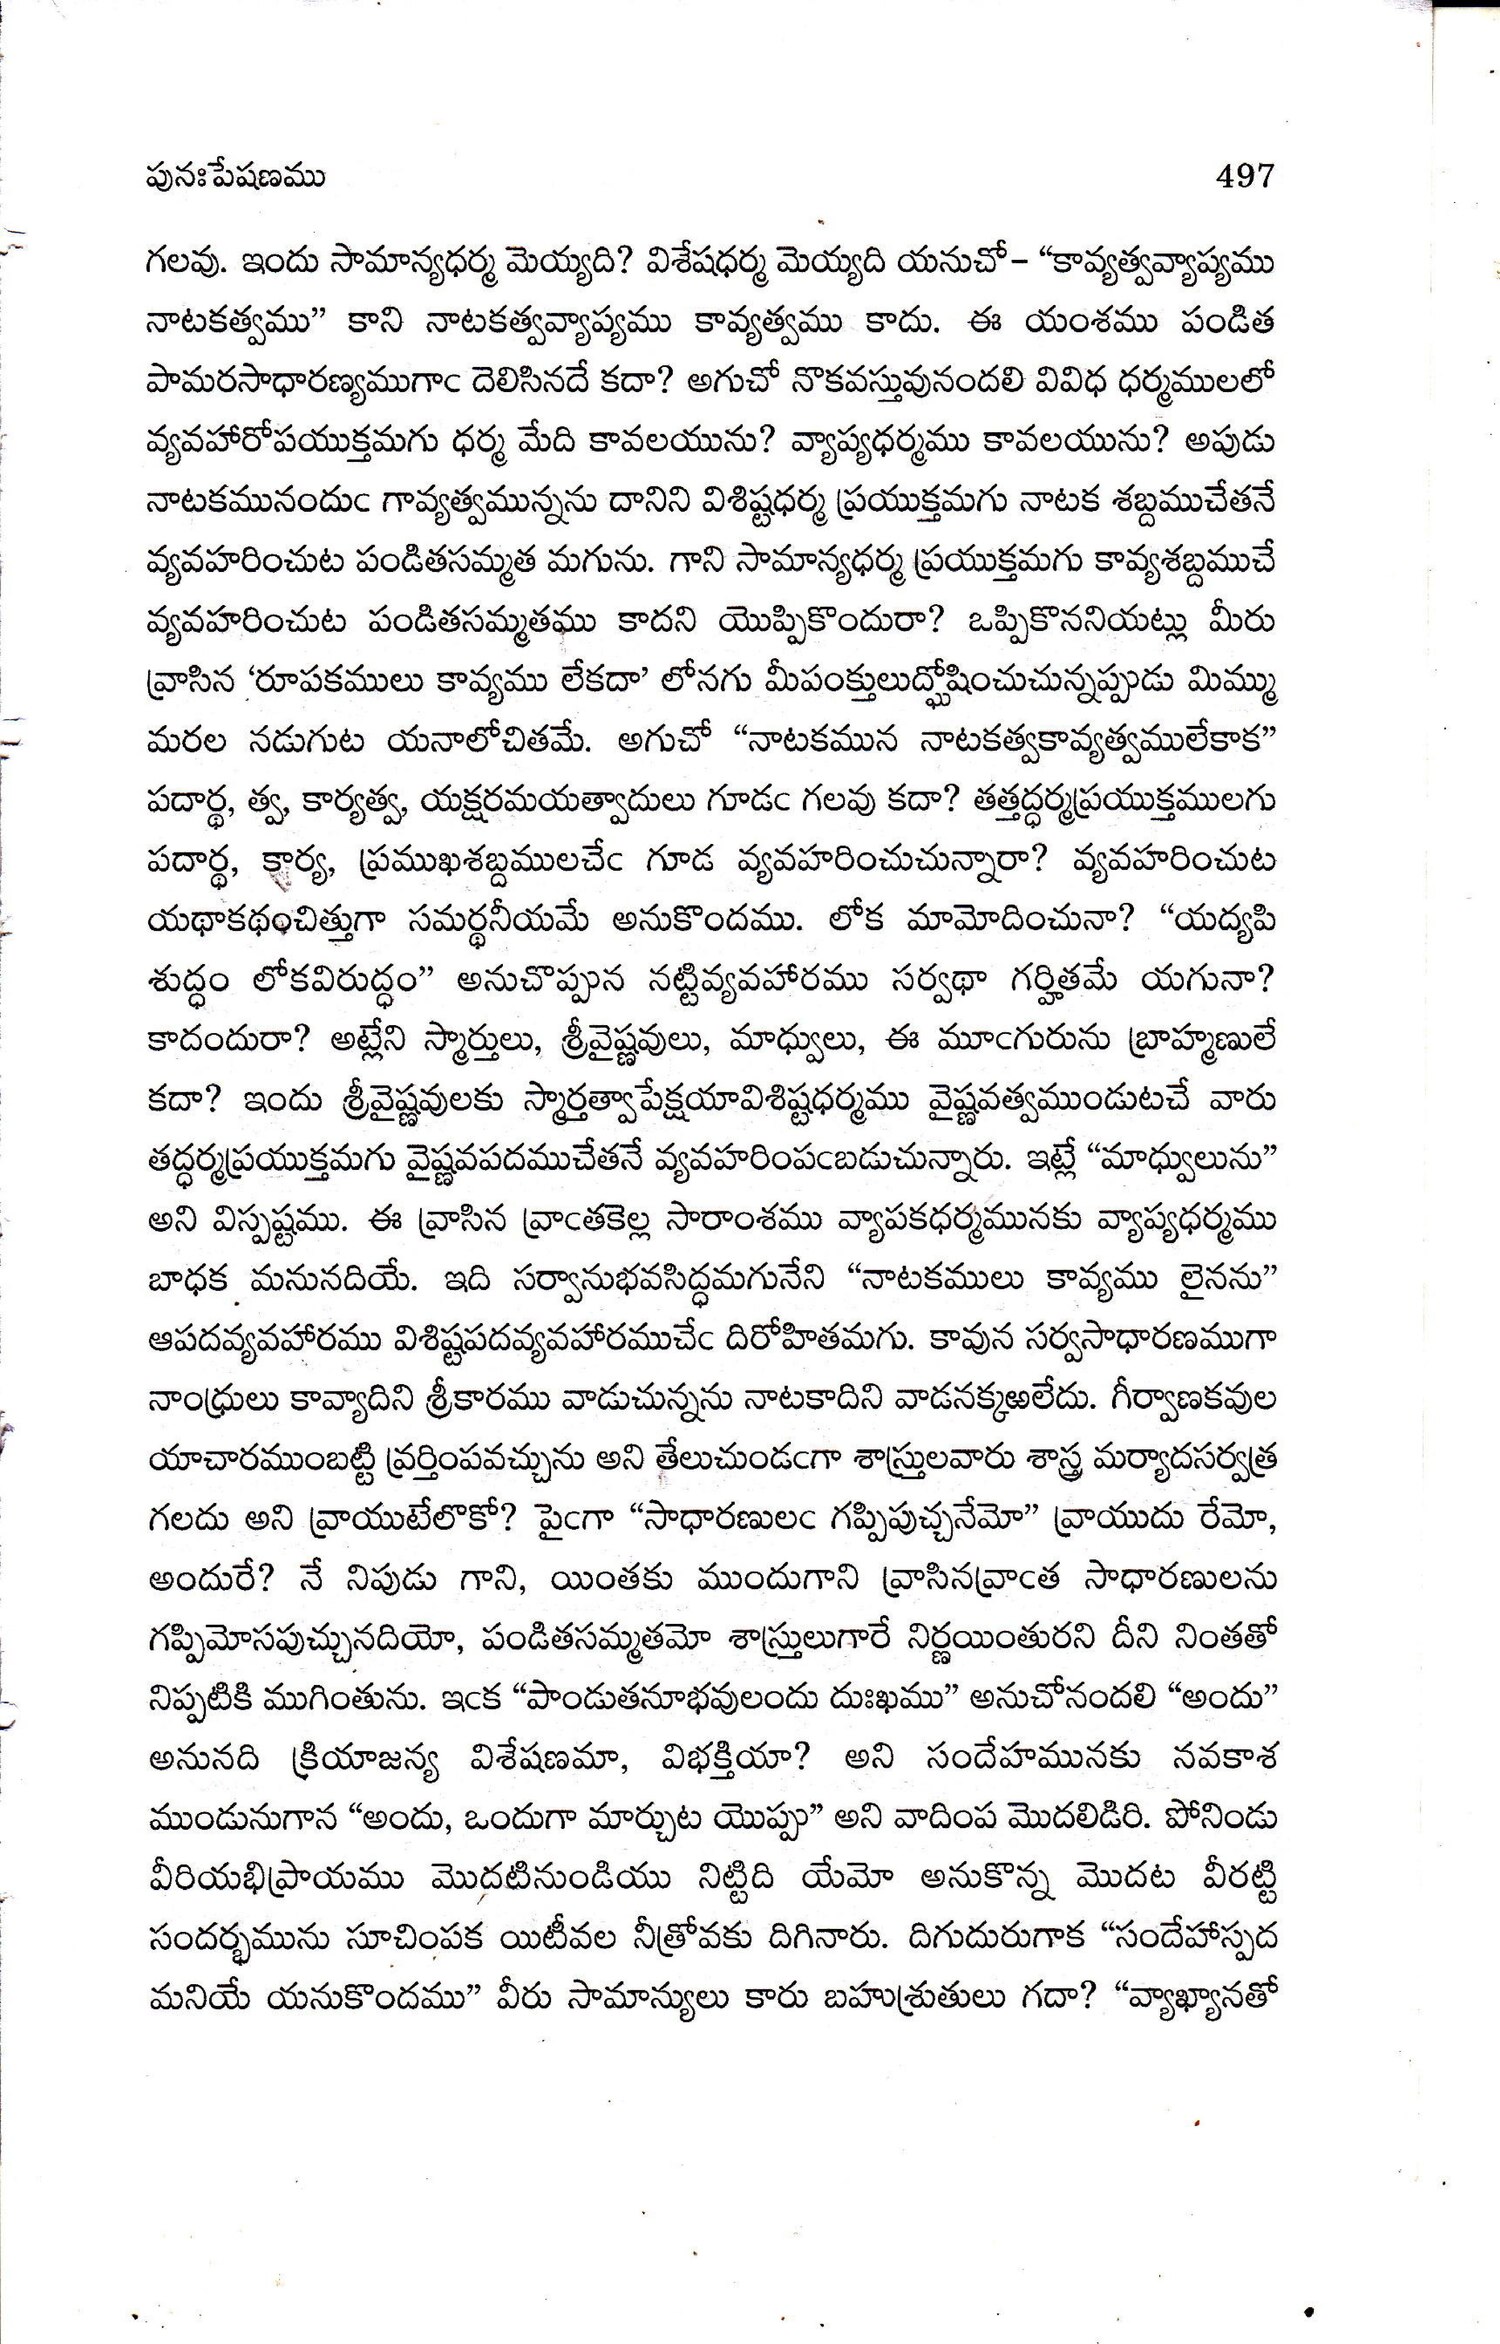గలవు. ఇందు సామాన్యధర్మమెయ్యది? విశేషధర్మమెయ్యది యనుచో-"కావ్యత్వవ్యాప్యము నాటకత్వము" కాని నాటకత్వవ్యాప్యము కావ్యత్వము కాదు. ఈ యంశము పండిత పామరసాధారణ్యముగాఁ దెలిసినదే కదా? అగుచో నొకవస్తువునందలి వివిధ ధర్మములలో వ్యవహారోపయుక్తమగు ధర్మ మేది కావలయును? వ్యాప్యధర్మము కావలయును? అపుడు నాటకమునందుఁ గావ్యత్వమున్నను దానిని విశిష్టధర్మప్రయుక్తమగు నాటక శబ్దముచేతనే
వ్యవహరించుట పండితసమ్మత మగును. గాని సామాన్యధర్మ ప్రయుక్తమగు కావ్యశబ్దముచే వ్యవహరించుట పండితసమ్మతము కాదని యొప్పికొందురా? ఒప్పికొననియట్లు మీరు వ్రాసిన 'రూపకములు కావ్యము లేకదా' లోనగు మీపంక్తులుద్ఘోషించుచున్నప్పుడు మిమ్మ మరల నడుగుట యనాలోచితమే. అగుచో "నాటకమున నాటకత్వకావ్యత్వములేకాక” పదార్థ, త్వ, కార్యత్వ, యక్షరమయత్వాదులు గూడఁ గలవు కదా? తత్తద్ధర్మప్రయుక్తములగు పదార్థ, కార్య, ప్రముఖశబ్దములచేఁ గూడ వ్యవహరించుచున్నారా? వ్యవహరించుట యథాకథంచిత్తుగా సమర్థనీయమే అనుకొందము. లోక మామోదించునా? “యద్యపి శుద్ధం లోకవిరుద్ధం" అనుచొప్పున నట్టివ్యవహారము సర్వథా గర్హితమే యగునా? కాదందురా? అట్లేని స్మార్తులు, శ్రీవైష్ణవులు, మాధ్వులు, ఈ మూఁగురును బ్రాహ్మణులే కదా? ఇందు శ్రీవైష్ణవులకు స్మార్తత్వాపేక్షయావిశిష్టధర్మము వైష్ణవత్వముండుటచే వారు తద్ధర్మప్రయుక్తమగు వైష్ణవపదముచేతనే వ్యవహరింపఁబడుచున్నారు. ఇట్లే "మాధ్వులును" అని విస్పష్టము. ఈ వ్రాసిన వ్రాఁతకెల్ల సారాంశము వ్యాపకధర్మమునకు వ్యాప్యధర్మము బాధక మనునదియే. ఇది సర్వానుభవసిద్ధమగునేని "నాటకములు కావ్యము లైనను" ఆపదవ్యవహారము విశిష్టపదవ్యవహారముచేఁ దిరోహితమగు. కావున సర్వసాధారణముగా నాంధ్రులు కావ్యాదిని శ్రీకారము వాడుచున్నను నాటకాదిని వాడనక్కఱలేదు. గీర్వాణకవుల యాచారముంబట్టి వ్రర్తింపవచ్చును అని తేలుచుండంగా శాస్త్రులవారు శాస్త్ర మర్యాదసర్వత్ర గలదు అని వ్రాయుటేలొకో? పైఁగా “సాధారణులఁ గప్పిపుచ్చనేమో" వ్రాయుదు రేమో, అందురే ? నే నిపుడు గాని, యింతకు ముందుగాని వ్రాసినవ్రాఁత సాధారణులను గప్పిమోసపుచ్చునదియో, పండితసమ్మతమో శాస్త్రులుగారే నిర్ణయింతురని దీని నింతతో నిప్పటికి ముగింతును. ఇక “పాండుతనూభవులందు దుఃఖము" అనుచోనందలి “అందు" అనునది క్రియాజన్య విశేషణమా, విభక్తియా? అని సందేహమునకు నవకాశ ముండునుగాన “అందు, ఒందుగా మార్చుట యొప్ప" అని వాదింప మొదలిడిరి. పోనిండు వీరియభిప్రాయము మొదటినుండియు నిట్టిది యేమో అనుకొన్న మొదట వీరట్టి సందర్భమును సూచింపక యిటీవల నీత్రోవకు దిగినారు. దిగుదురుగాక "సందేహాస్పద మనియే యనుకొందము" వీరు సామాన్యులు కారు బహుశ్రుతులు గదా? “వ్యాఖ్యానతో